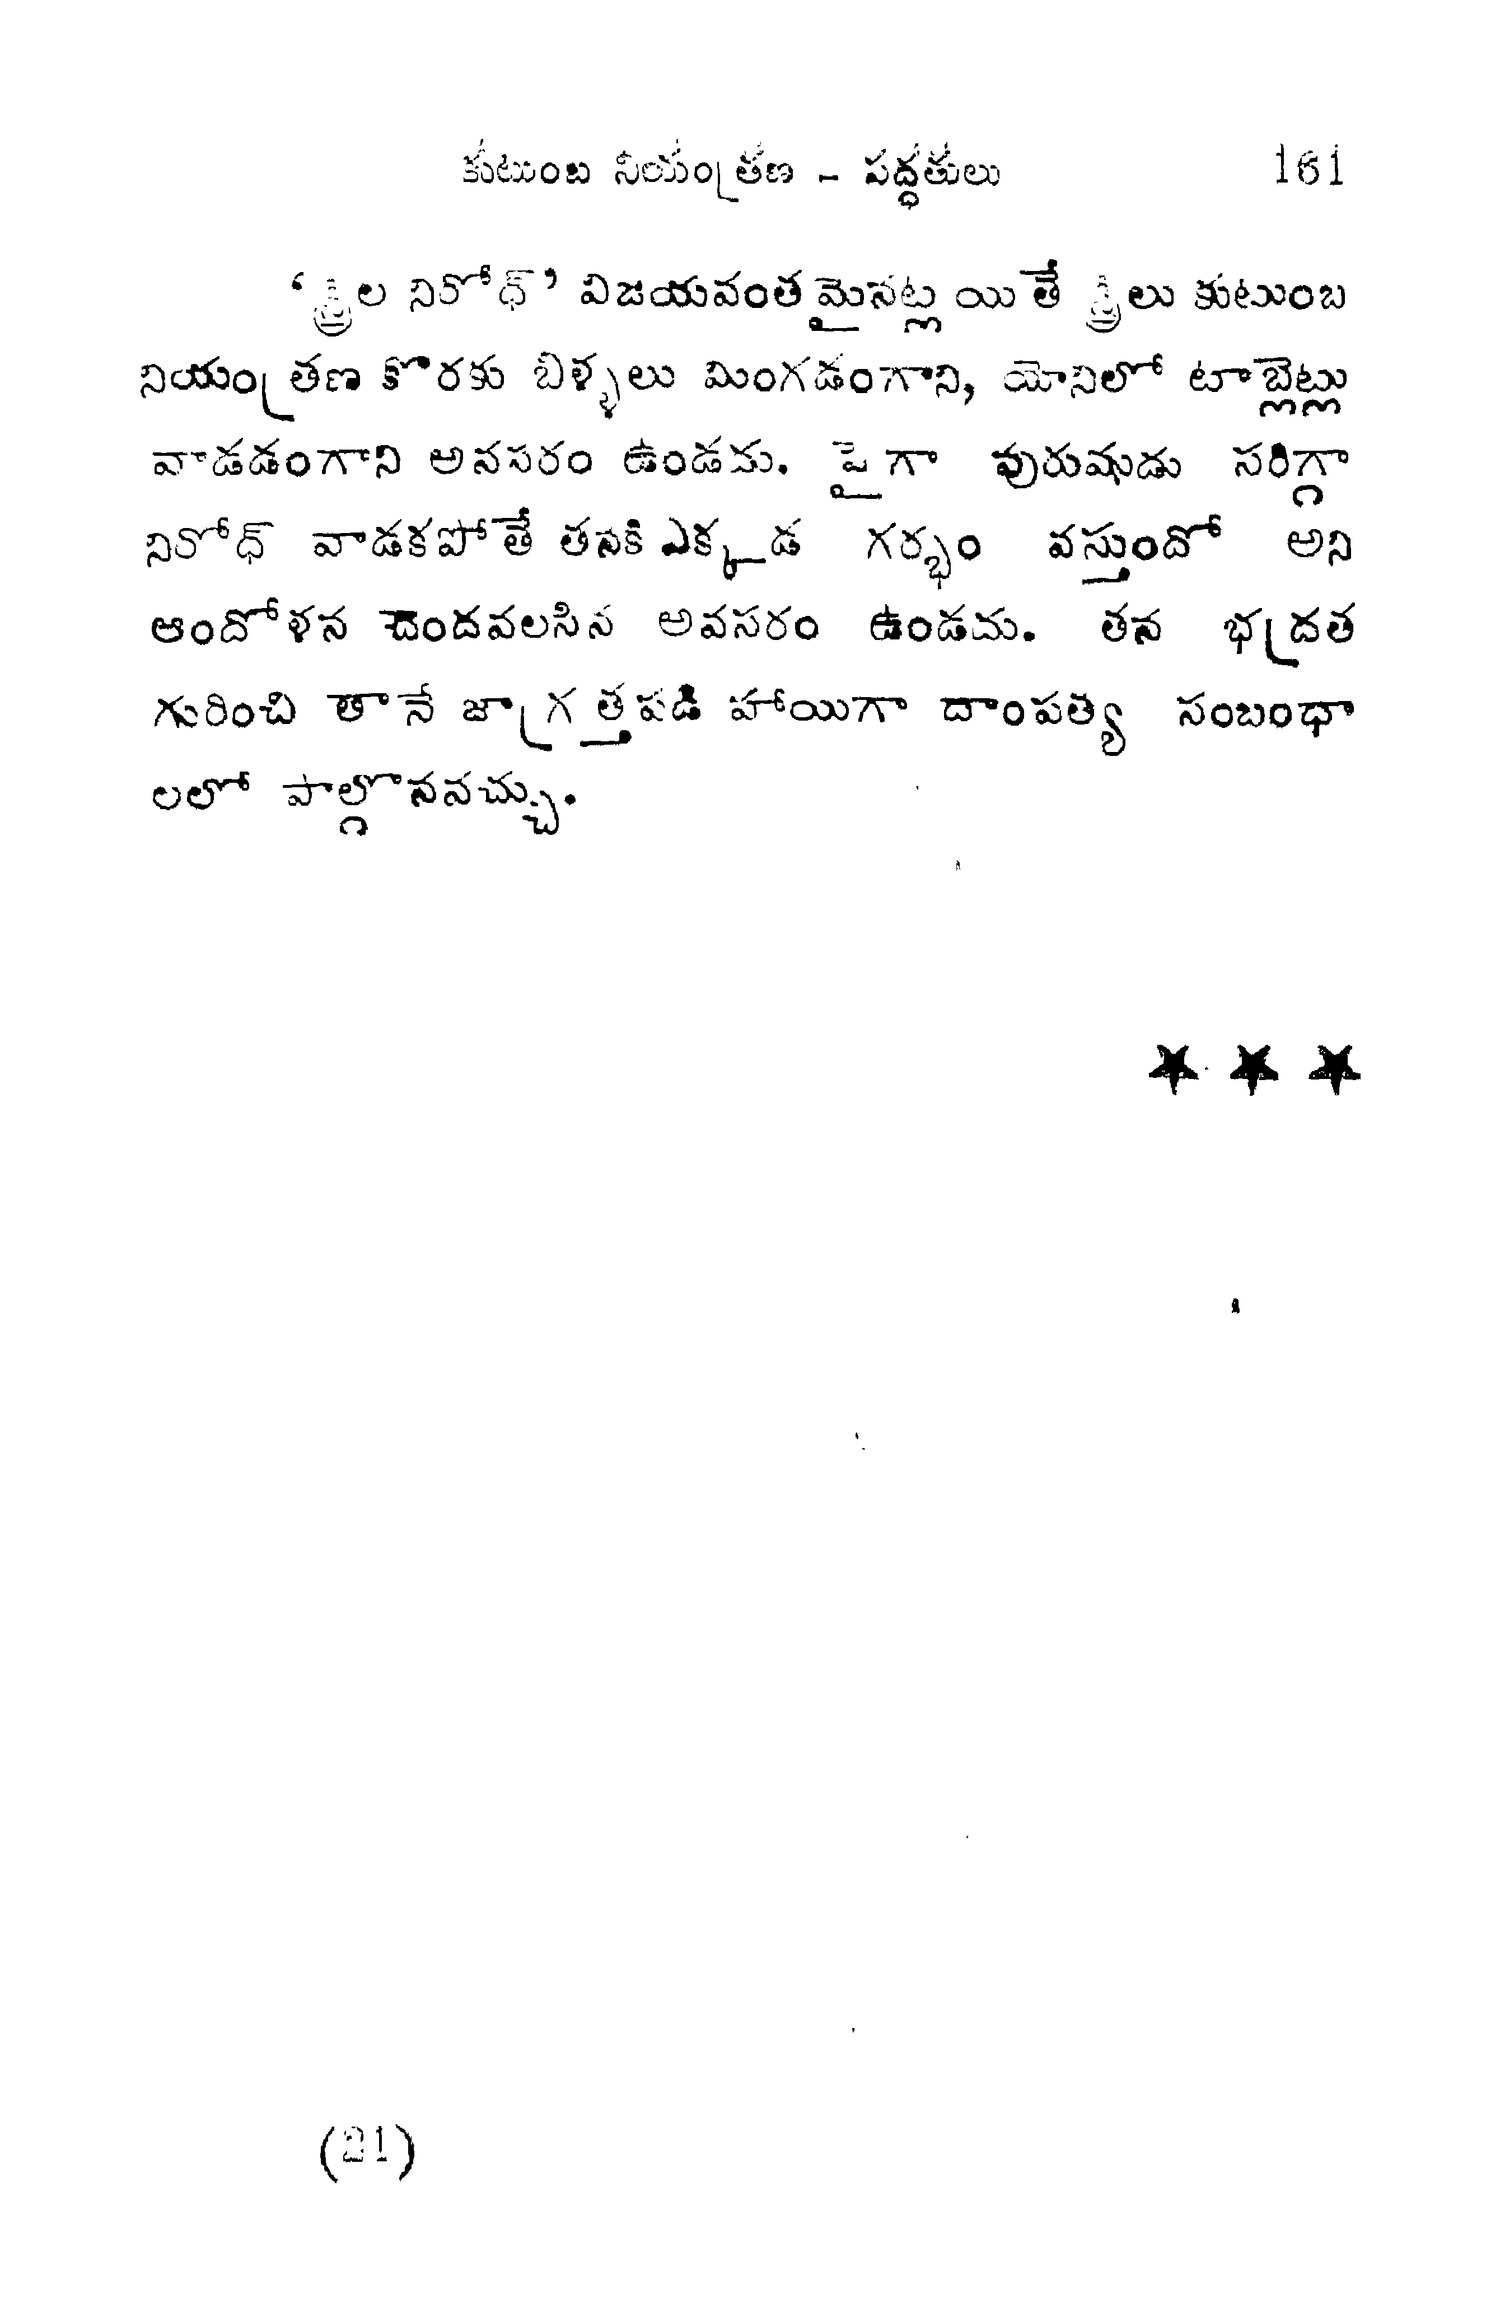'స్రీల నిరోధ్‌' విజయవంతమైనట్లయితే స్త్రీలు కుటుంబనియంత్రణ కొరకు బిళ్ళలు మింగడంగాని, యోనిలో టాబ్లెట్లు వాడడంగాని అవసరం ఉండదు. పైగా పురుషుడు సరిగ్గా నిరోధ్ వాడకపోతే తనకి ఎక్కడ గర్భం వస్తుందో అని ఆందోళన చెందవలసిన అవసరం ఉండదు. తన భద్రత గురించి తానే జాగ్రత్తపడి హాయిగా దాంపత్య సంబంధాలలో పాల్తొనవచ్చు.

* * *